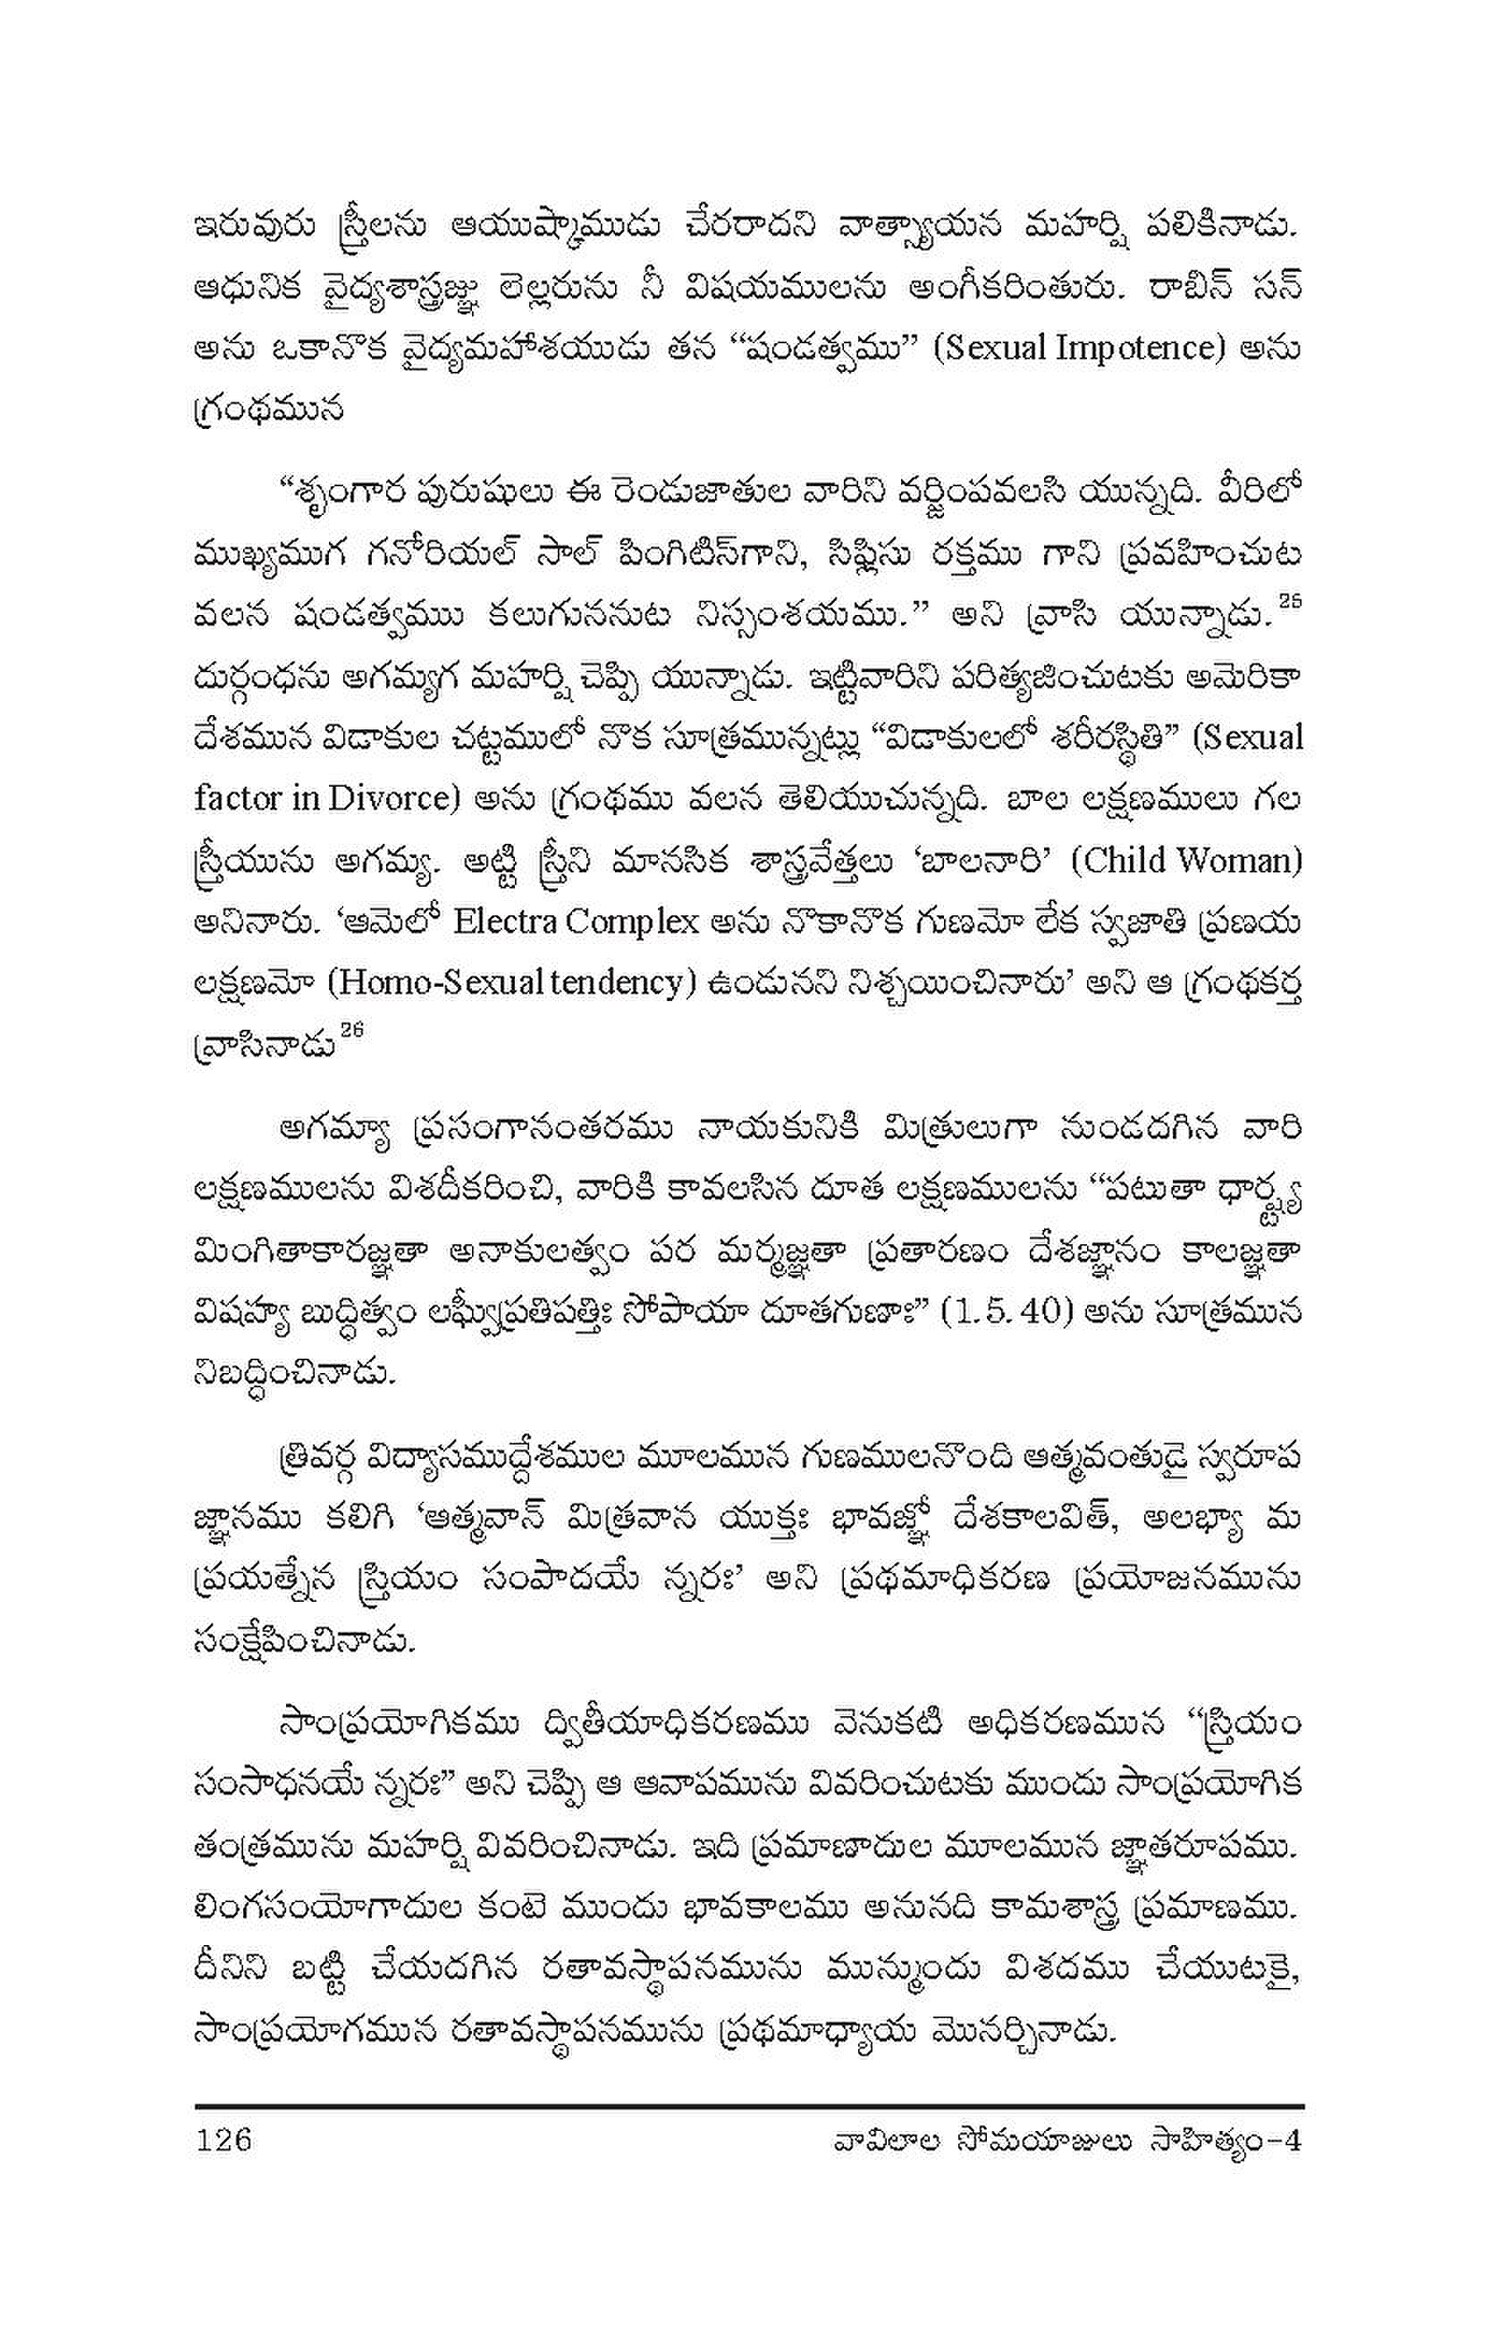ఇరువురు స్త్రీలను ఆయుష్కాముడు చేరరాదని వాత్స్యాయన మహర్షి పలికినాడు.
ఆధునిక వైద్యశాస్త్రజ్ఞు లెల్లరును నీ విషయములను అంగీకరింతురు. రాబిన్ సన్
అను ఒకానొక వైద్యమహాశయుడు తన "షండత్వము” (Sexual Impotence) అను
గ్రంథమున

" శృంగార పురుషులు ఈ రెండుజాతుల వారిని వర్ణింపవలసి యున్నది. వీరిలో
ముఖ్యముగ గనోరియల్ సాల్ పింగిటిస్ గాని, సిప్లిసు రక్తము గాని ప్రవహించుట
వలన షండత్వము కలుగుననుట నిస్సంశయము.” అని వ్రాసి యున్నాడు. 3
దుర్గంధను అగమ్యగ మహర్షి చెప్పి యున్నాడు. ఇట్టివారిని పరిత్యజించుటకు అమెరికా
దేశమున విడాకుల చట్టములో నొక సూత్రమున్నట్లు “విడాకులలో శరీరస్థితి” (Sexual
factor in Divorce) అను గ్రంథము వలన తెలియుచున్నది. బాల లక్షణములు గల
స్త్రీయును అగమ్య. అట్టి స్త్రీని మానసిక శాస్త్రవేత్తలు 'బాలనారి' (Child Woman)
అనినారు. ‘ఆమెలో Electra Complex అను నొకానొక గుణమో లేక స్వజాతి ప్రణయ
లక్షణమో (Homo-Sexual tendency) ఉండునని నిశ్చయించినారు' అని ఆ గ్రంథకర్త
వ్రాసినాడు

అగమ్యా ప్రసంగానంతరము నాయకునికి మిత్రులుగా నుండదగిన వారి
లక్షణములను విశదీకరించి, వారికి కావలసిన దూత లక్షణములను "పటుతా ధార్ష్ట్య
మింగితాకారజ్ఞతా అనాకులత్వం పర మర్మజ్ఞతా ప్రతారణం దేశజ్ఞానం కాలజ్ఞతా
విషహ్య బుద్ధిత్వం లఘ్వీప్రతిపత్తిః సోపాయా దూతగుణాః (1.5.40) అను సూత్రమున
నిబద్ధించినాడు.

త్రివర్గ విద్యాసముద్దేశముల మూలమున గుణములనొంది ఆత్మవంతుడై స్వరూప
జ్ఞానము కలిగి 'ఆత్మవాన్ మిత్రవాన యుక్తః భావజ్ఞో దేశకాలవిత్, అలభ్యా మ
ప్రయత్నేన స్త్రీయం సంపాదయే న్నరః' అని ప్రథమాధికరణ ప్రయోజనమును
సంక్షేపించినాడు.

సాంప్రయోగికము ద్వితీయాధికరణము వెనుకటి అధికరణమున "స్త్రీయం
సంసాధనయే న్నరః” అని చెప్పి ఆ ఆవాపమును వివరించుటకు ముందు సాంప్రయోగిక
తంత్రమును మహర్షి వివరించినాడు. ఇది ప్రమాణాదుల మూలమున జ్ఞాతరూపము.
లింగసంయోగాదుల కంటే ముందు భావకాలము అనునది కామశాస్త్ర ప్రమాణము.
దీనిని బట్టి చేయదగిన రతావస్థాపనమును మున్ముందు విశదము చేయుటకై,
సాంప్రయోగమున రతావస్థాపనమును ప్రథమాధ్యాయ మొనర్చినాడు.